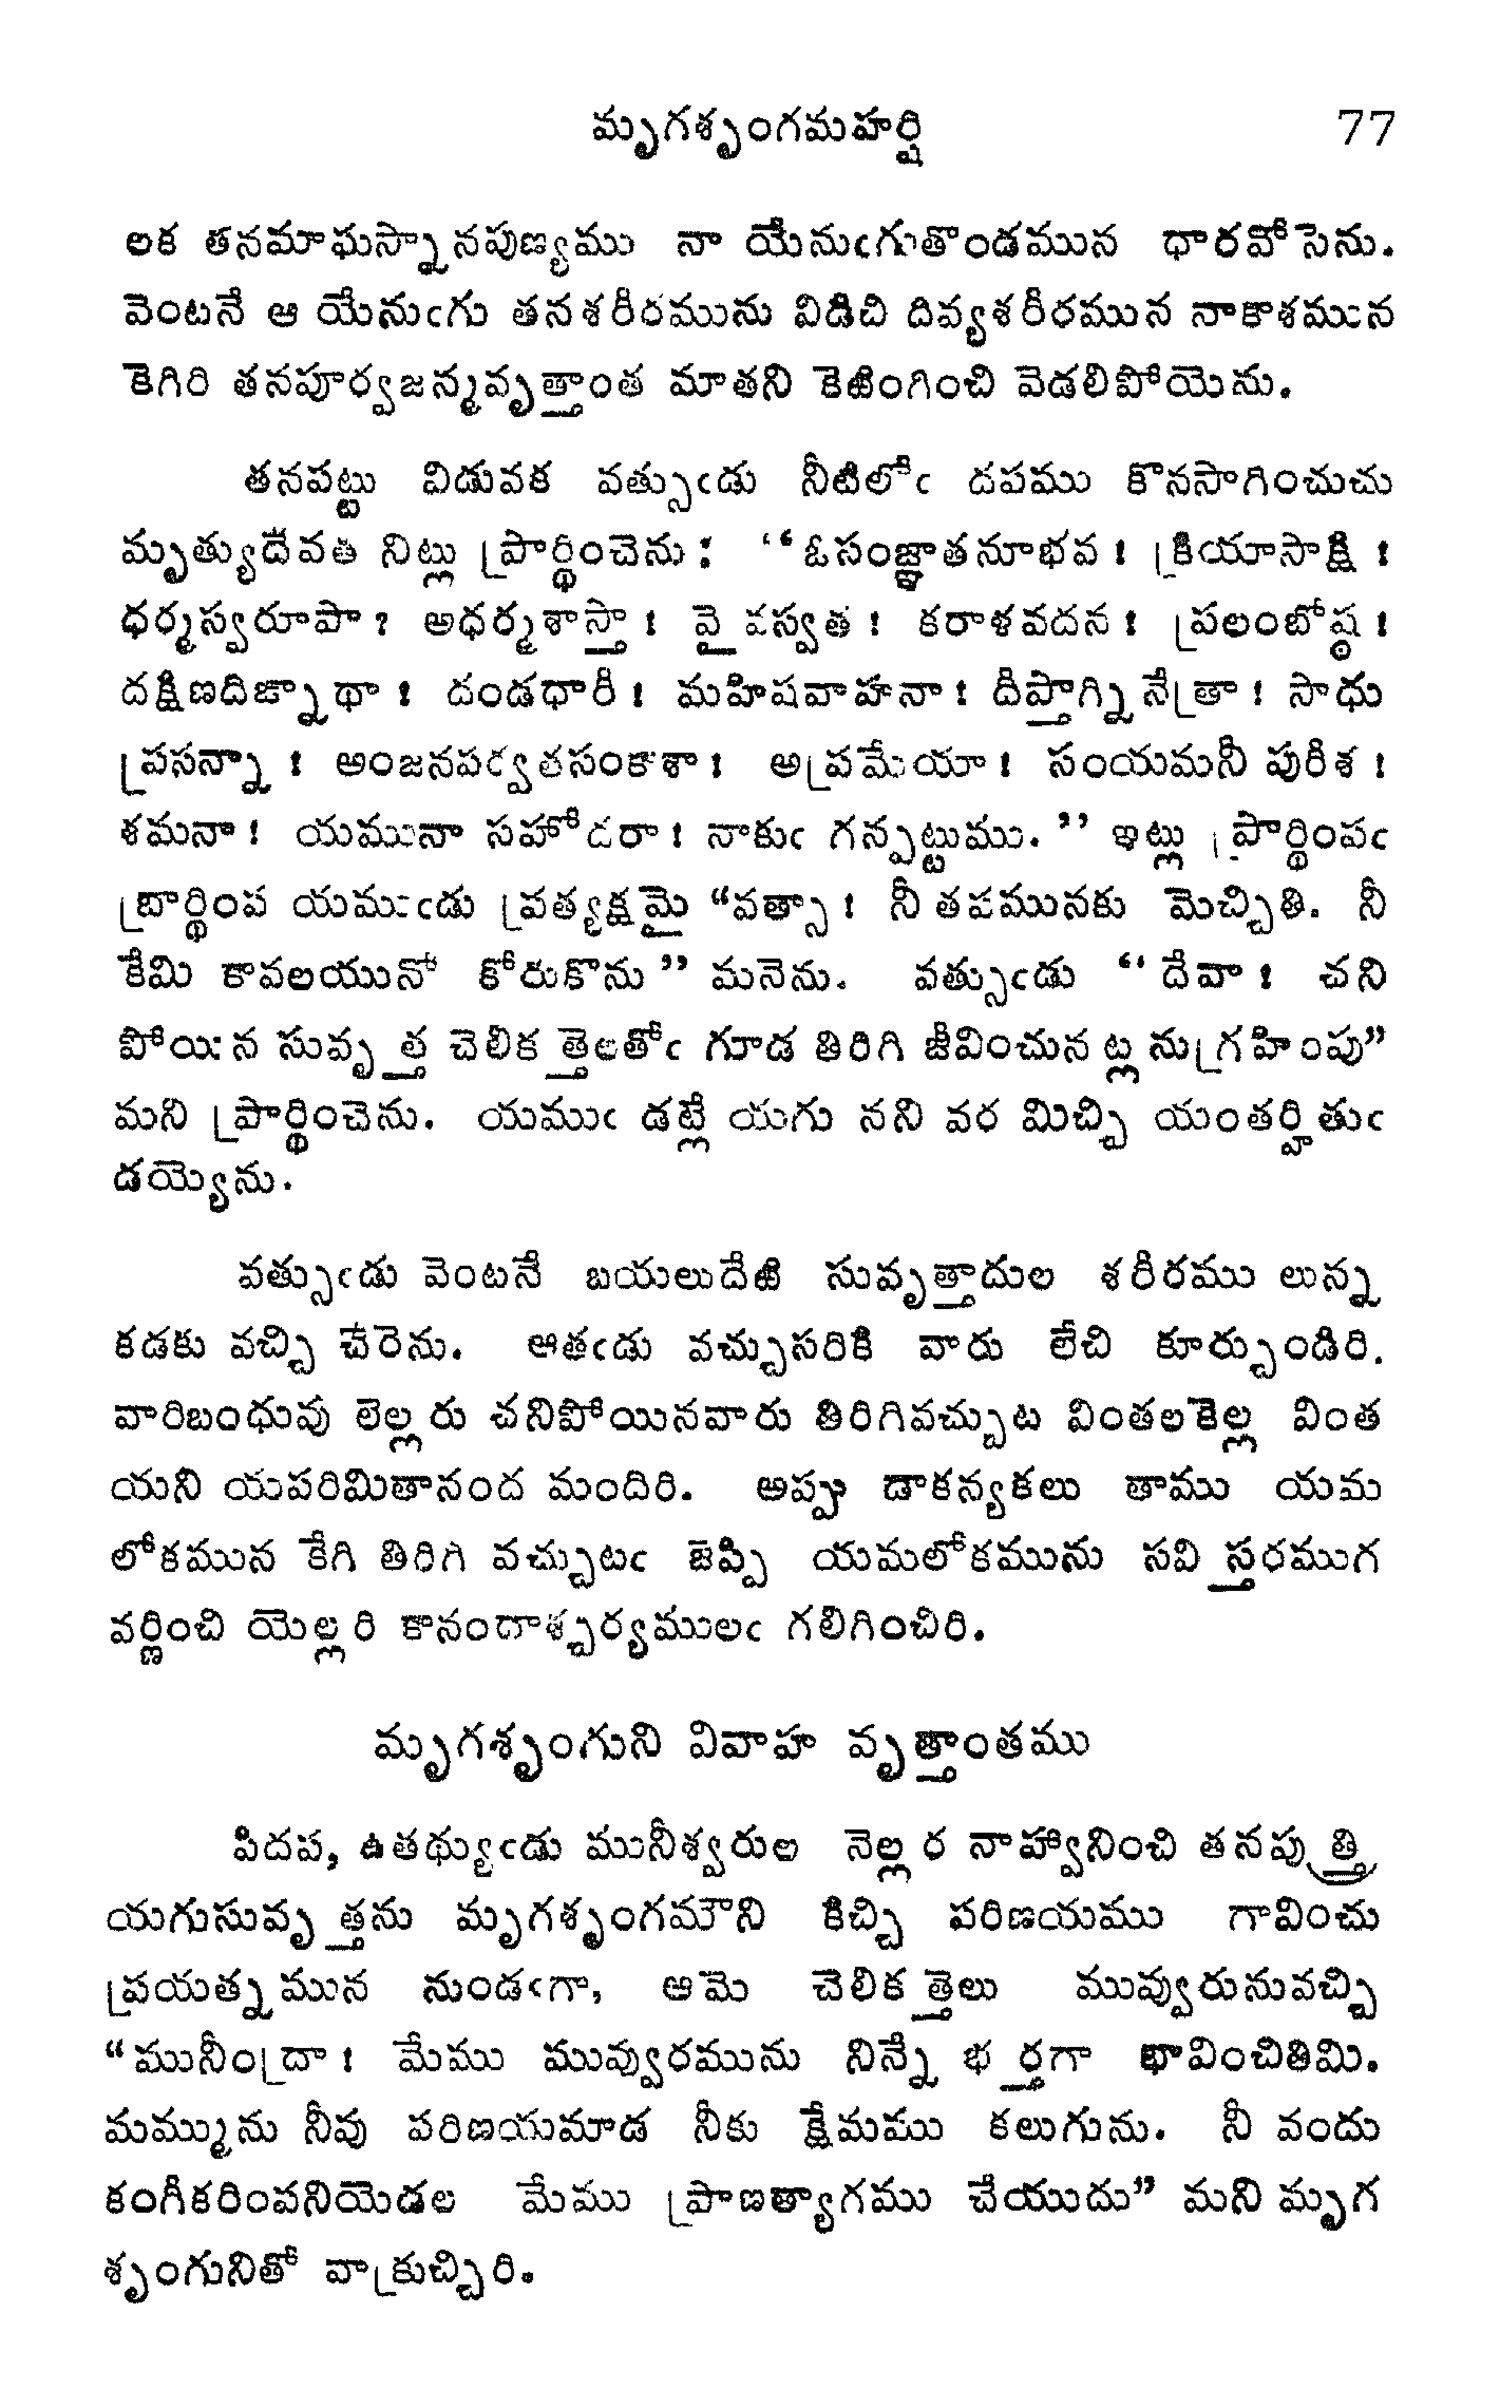లక తనమాఘస్నానపుణ్యము నా యేనుఁగుతొండమున ధారవోసెను. వెంటనే ఆ యేనుఁగు తనశరీరమును విడిచి దివ్యశరీరమున నాకాశమున కెగిరి తనపూర్వజన్మవృత్తాంత మాతని కెఱింగించి వెడలిపోయెను.

తనపట్టు విడువక వత్సుఁడు నీటిలోఁ దపము కొనసాగించుచు మృత్యుదేవత నిట్లు ప్రార్థించెను : "ఓసంజ్ఞాతనూభవ ! క్రియాసాక్షి ! ధర్మస్వరూపా ! అధర్మశాస్తా ! వై వస్వత ! కరాళవదన ! ప్రలంబోష్ఠ ! దక్షిణదిఙ్నాథా ! దండధారీ ! మహిషవాహనా ! దీప్తాగ్ని నేత్రా ! సాధు ప్రసన్నా ! అంజనపర్వతసంకాశా! అప్రమేయా ! సంయమనీ పురీశ ! శమనా ! యమునా సహోదరా ! నాకుఁ గన్పట్టుము. " ఇట్లు ప్రార్థింపఁ బ్రార్థింప యముఁడు ప్రత్యక్షమై "వత్సా! నీ తపమునకు మెచ్చితి. నీ కేమి కావలయునో కోరుకొను” మనెను. వత్సుఁడు " దేవా ! చనిపోయిన సువృత్త చెలికత్తెలతోఁ గూడ తిరిగి జీవించునట్లనుగ్రహింపు” మని ప్రార్థించెను. యముఁ డట్లే యగు నని వర మిచ్చి యంతర్హితుఁ డయ్యెను.

వత్సుఁడు వెంటనే బయలుదేఱి సువృత్తాదుల శరీరము లున్న కడకు వచ్చి చేరెను. ఆతఁడు వచ్చుసరికి వారు లేచి కూర్చుండిరి. వారిబంధువు లెల్లరు చనిపోయినవారు తిరిగివచ్చుట వింతలకెల్ల వింత యని యపరిమితానంద మందిరి. అప్పు డాకన్యకలు తాము యమలోకమున కేగి తిరిగి వచ్చుటఁ జెప్పి యమలోకమును సవిస్తరముగ వర్ణించి యెల్లరి కానందాశ్చర్యములఁ గలిగించిరి.

మృగశృంగుని వివాహ వృత్తాంతము 

పిదప, ఉతథ్యుఁడు మునీశ్వరుల నెల్లర నాహ్వానించి తనపుత్త్రి యగుసువృత్తను మృగశృంగమౌని కిచ్చి పరిణయము గావించు ప్రయత్నమున నుండఁగా, ఆమె చెలికత్తెలు మువ్వురునువచ్చి “మునీంద్రా ! మేము మువ్వురమును నిన్నే భర్తగా భావించితిమి. మమ్మును నీవు పరిణయమాడ నీకు క్షేమము కలుగును. నీ వందు కంగీకరింపనియెడల మేము ప్రాణత్యాగము చేయుదు” మని మృగశృంగునితో వాక్రుచ్చిరి.